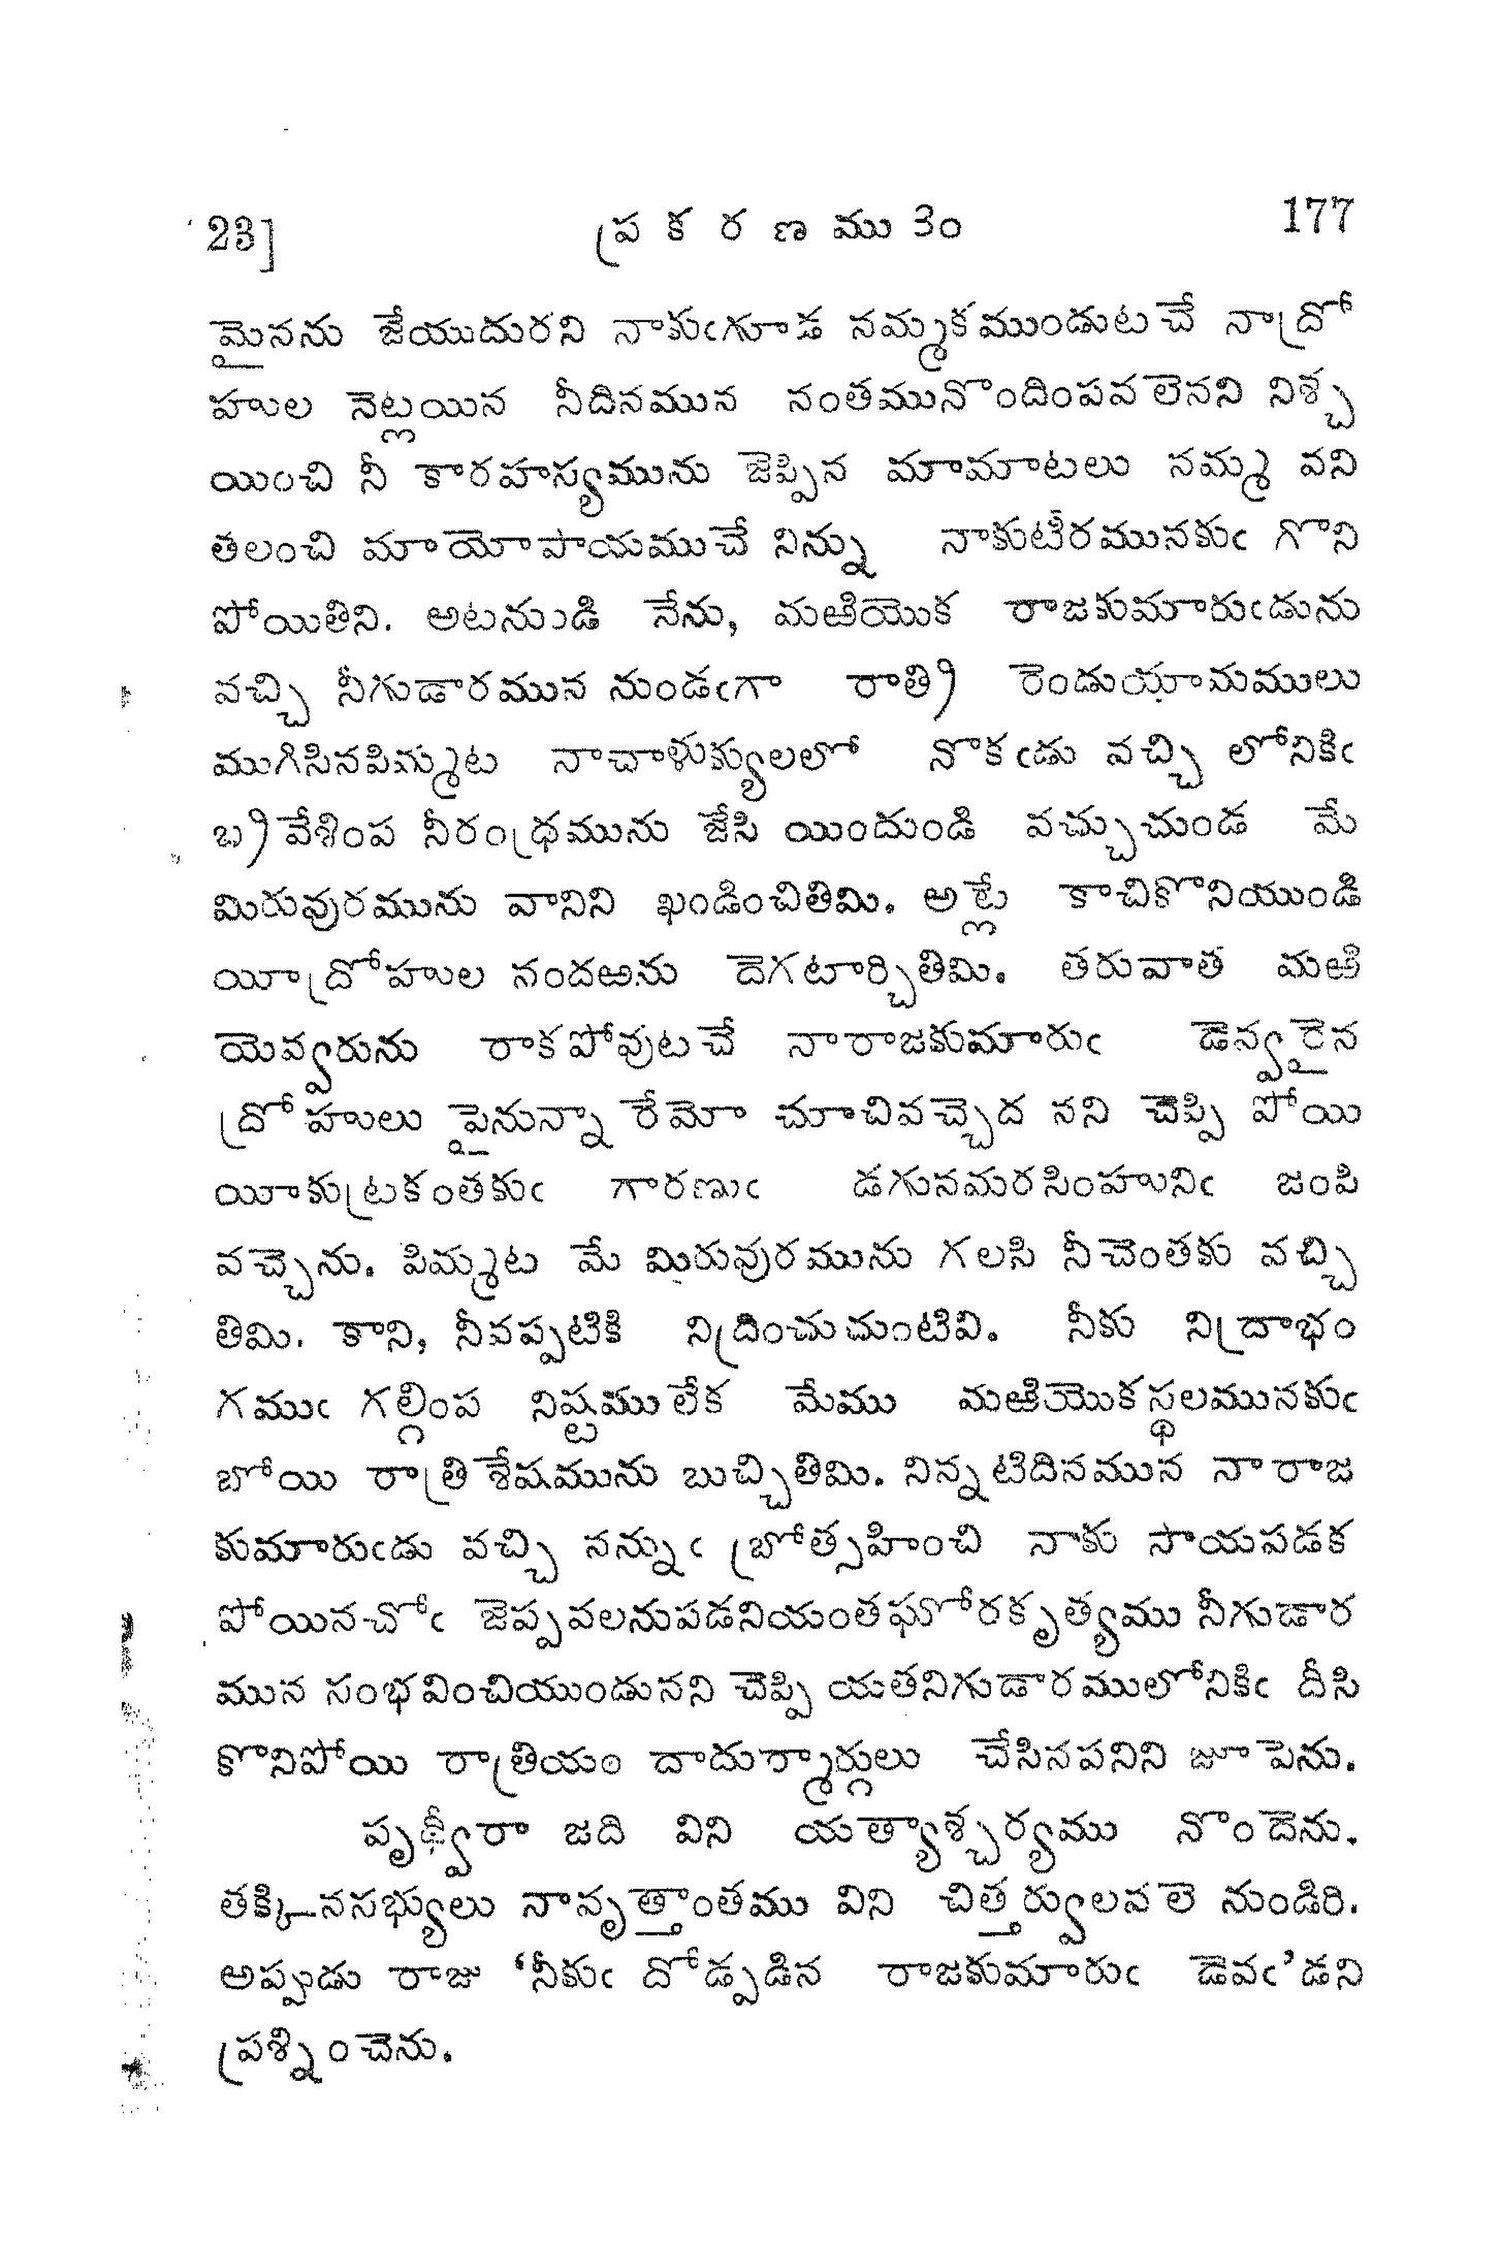మైనను జేయుదురని నాకుఁగూఢ నమ్మకముండుటచే నాద్రో
హుల నెట్లయిన నీదినమున నంతమునొందింపవ లెనని నిశ్చ
యించి నీ కారహస్యమును జెప్పిన మామాటలు నమ్మ వని
తలంచి మాయోపాయము చే నిన్ను నాకుటీరమునకుఁ గొని
పోయితిని. అటనుండి నేను, మఱియొక రాజకుమారుఁడును
నచ్చి నీ గుడారమున నుండఁగా రాత్రి రెండు యామములు
ముగిసిన పిమ్మట నాచాళుక్యులలో నొకఁడు వచ్చి లోనికి
బ వేశింప నీరంద్రమును జేసి యిందుండి వచ్చుచుండ మే
మిరువురమును వానిని ఖండించితిమి. అట్లే కాచి కొనియుండి
యీద్రోహుల నందఱును దెగటార్చితిమి. తరువాత మఱి
యెవ్వరును రాక పోవుటచే నారాజకుమారుఁ డెవ్వరైన
ద్రోహులు పైనున్నా రేమో చూచివచ్చెద సని చెప్పి పోయి
యీ కుట్రకంతకుఁ గారణుఁ డగు నమర సింహునిఁ జంపి
వచ్చెను. పిమ్మట మే మిరువురమును గలసి నీ చెంతకు వచ్చి
తిమి. "కాని, నీవప్పటికి నిద్రించుచుంటివి. నీకు నిద్రాభం
గముఁ గల్గింప నిష్టము లేక మేము మఱియొక స్థలమునకుఁ
బోయి రాత్రి శేషమును బుచ్చితిమి. నిన్నటి దినమున నా రాజు
కుమారుఁడు వచ్చి నన్ను ప్రోత్సహించి నాకు సాయపడక
పోయినచోఁ జెప్పవలను పడని యంతఘోరకృత్యము నీగుడార
మున సంభవించియుండునని చెప్పి యతని గుడారము లోనికిఁ దీసి
కొనిపోయి రాత్రియం దాదుర్మార్గులు చేసిన పనిని జూ పెను.

పృథ్వీరా జది విని యత్యాశ్చర్యము నొందెను,
తక్కినసభ్యులు నావృత్తాంతము విని చిత్తర్వుల వ లెనుండిరి.
అప్పుడు రాజు 'నీకుఁ దోడ్పడిన రాజకుమారుఁ డెవఁ డని ప్రశ్నించెను.